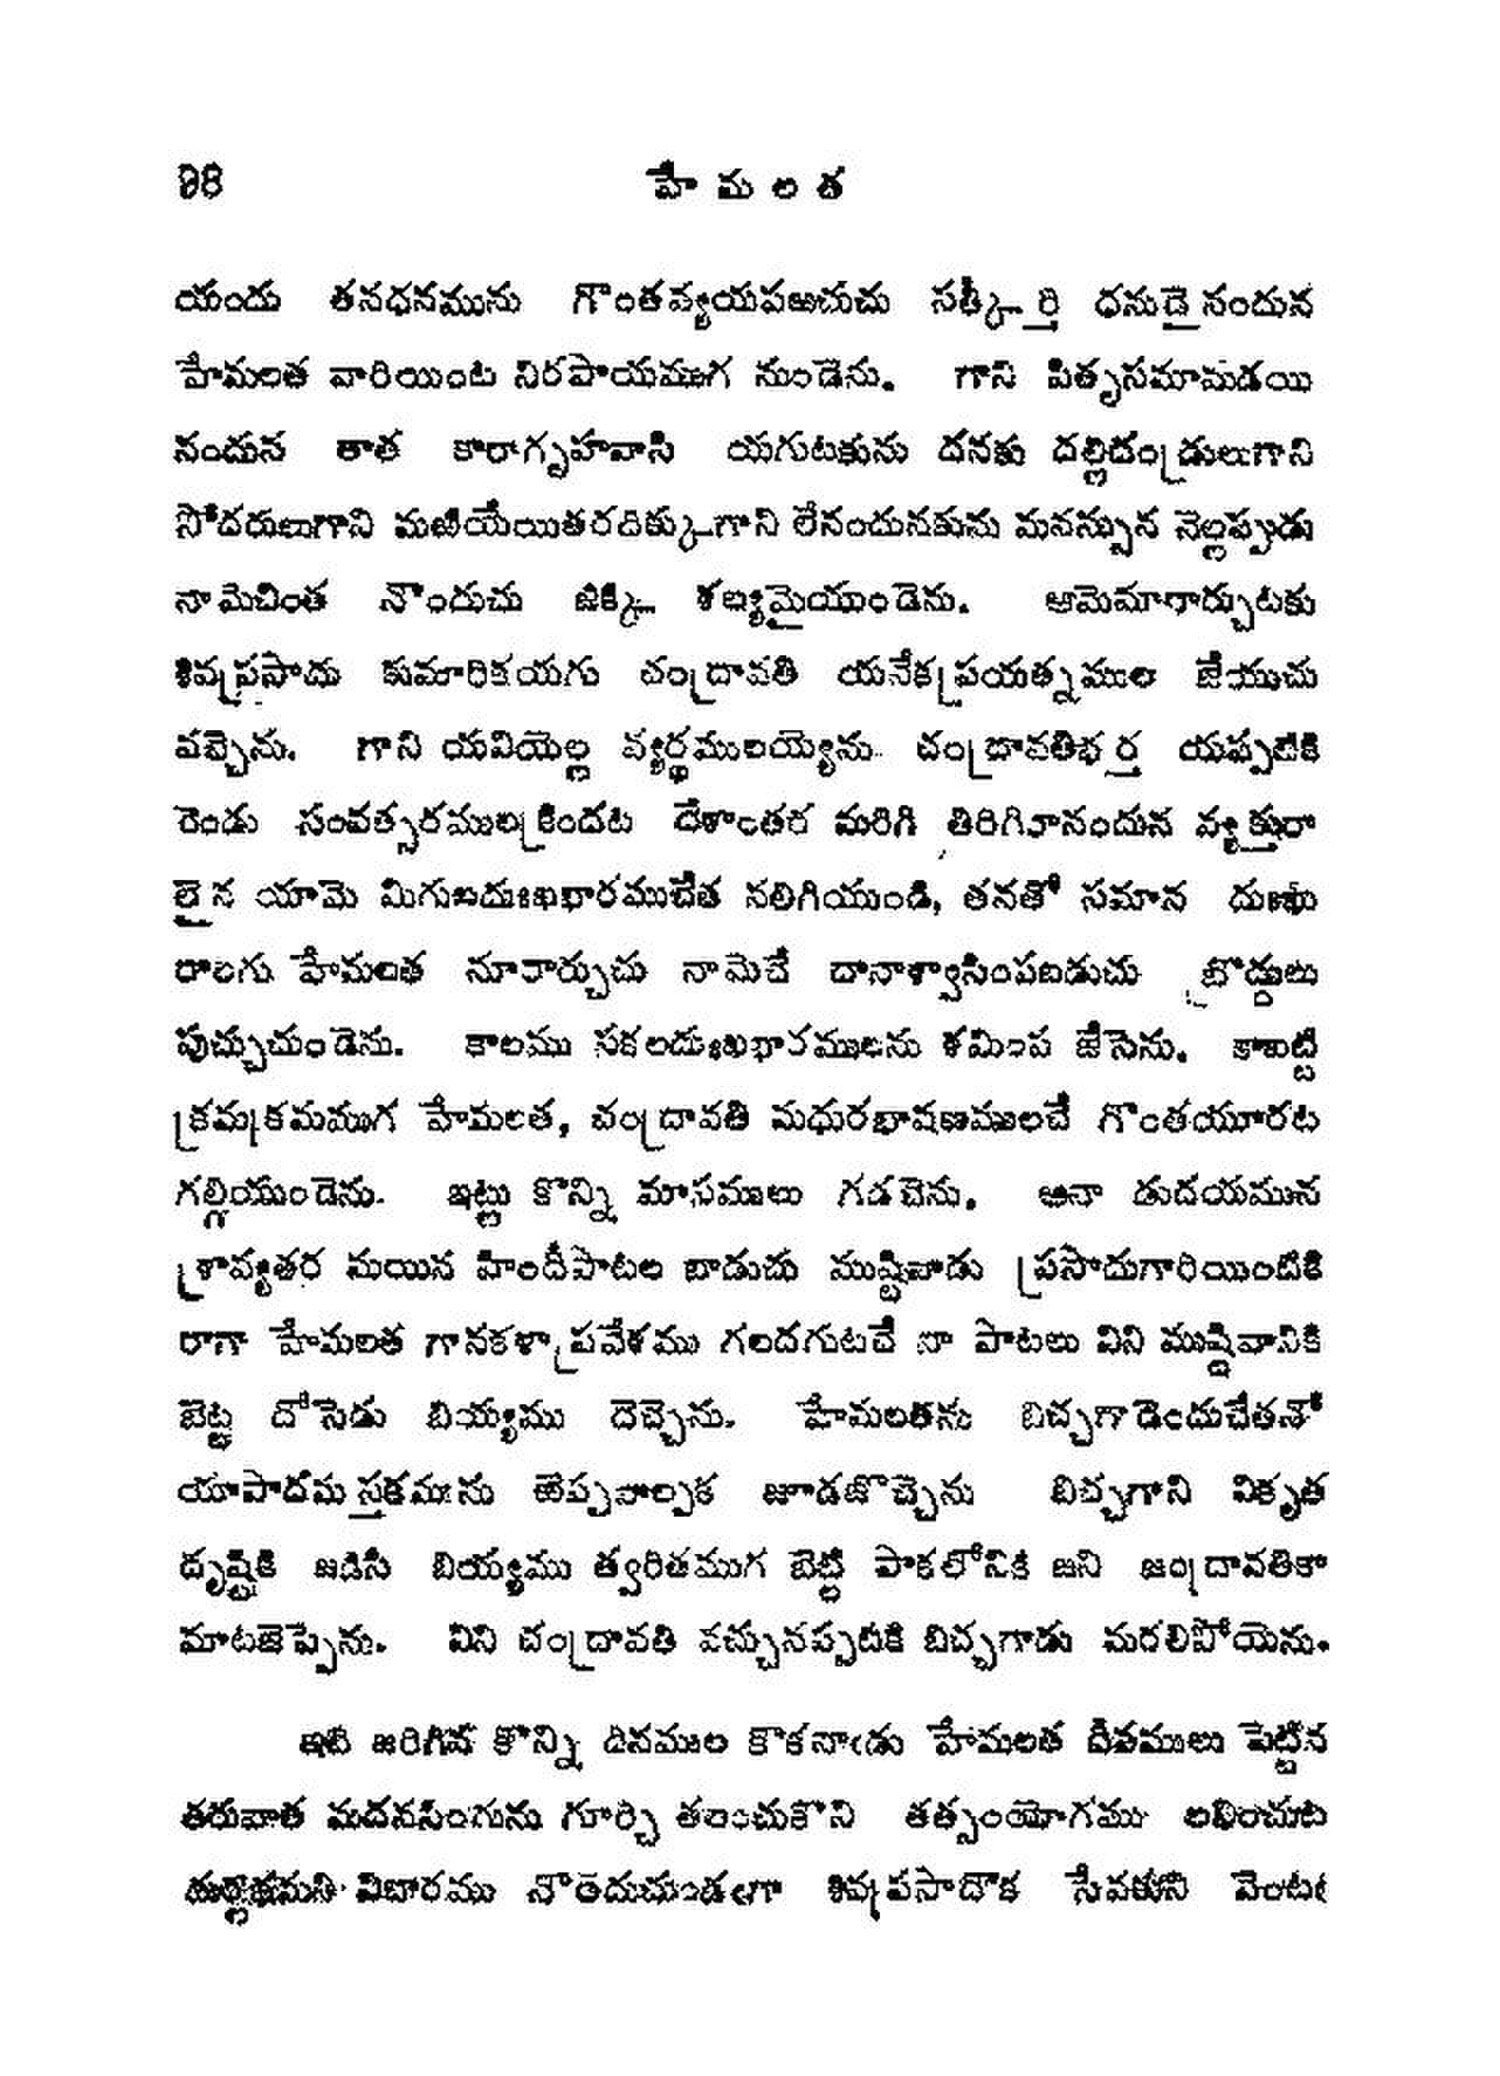యందు తనధనమును గొంతవ్యయపఱచుచు సత్కీర్తి ధనుడైనందున హేమలత వారియింట నిరపాయముగ నుండెను. గాని పితృసమానుడయినందున తాత కారాగృహవాసి యగుటకును దనకు దల్లిదండ్రులు గాని సోదరులుగాని మఱియేయితరదిక్కుగాని లేనందునకును మనస్సున నెల్లప్పుడు నామెచింత నొందుచు జిక్కి శల్యమైయుండెను. ఆమెమారార్చుటకు శివప్రసాదు కుమారియగు చంద్రావతి యనేకప్రయత్నముల జేయుచు వచ్చెను. గాని యవియెల్ల వ్యర్థములయ్యెను. చంద్రావతిభర్త యప్పటికి రెండు సంవత్సరములక్రిందట దేశాంతరమఱిగి తిరిగిరానందున వ్యక్తురాలైన యామె మిగులదుఃఖభారముచేత నలిగియుండి, తనతో సమాన దుఃఖురాలగు హేమలత నూరార్పుచు నామెచే దానాశ్వాసింపబడుచు బ్రొద్దులు పుచ్చుచుండెను. కాలము సకలదుఃఖభారములను శమింప జేసెను. కాబట్టి క్రమక్రమముగ హేమలత, చంద్రావతి మధురభాషణములచే గొంతయూరట గల్గియుండెను. ఇట్లు కొన్నిమాసములు గడచెను. ఆనా డుదయమున శ్రావ్యతర మయిన హిందీపాటల బాడుచు ముష్టివాడు ప్రసాదుగారియింటికి రాగా హేమలత గానకళాప్రవేశము గలదగుటచే నా పాటలు విని ముష్టివానికి బెట్ట దోసెడు బియ్యము దెచ్చెను. హేమలతను బిచ్చగాడెందుచేతనో యాపాదమస్తకమును ఱెప్పవాల్పక జూడజొచ్చెను. బిచ్చగాని వికృత దృష్టికి జడిసి బియ్యము త్వరితముగ బెట్టి పాకలోనికి జని జంద్రావతికామాటజెప్పెను. విని చంద్రావతి వచ్చునప్పటికి బిచ్చగాడు మరలిపోయెను. 

ఇది జరిగిన కొన్ని దినముల కొకనాఁడు హేమలత దీపములు పెట్టిన తరువాత మదనసింగును గూర్చి తలంచుకొని తత్సంయోగము లభించుట దుర్లభమని విచారము నొందుచుండగా శివప్రసాదొక సేవకుని వెంట